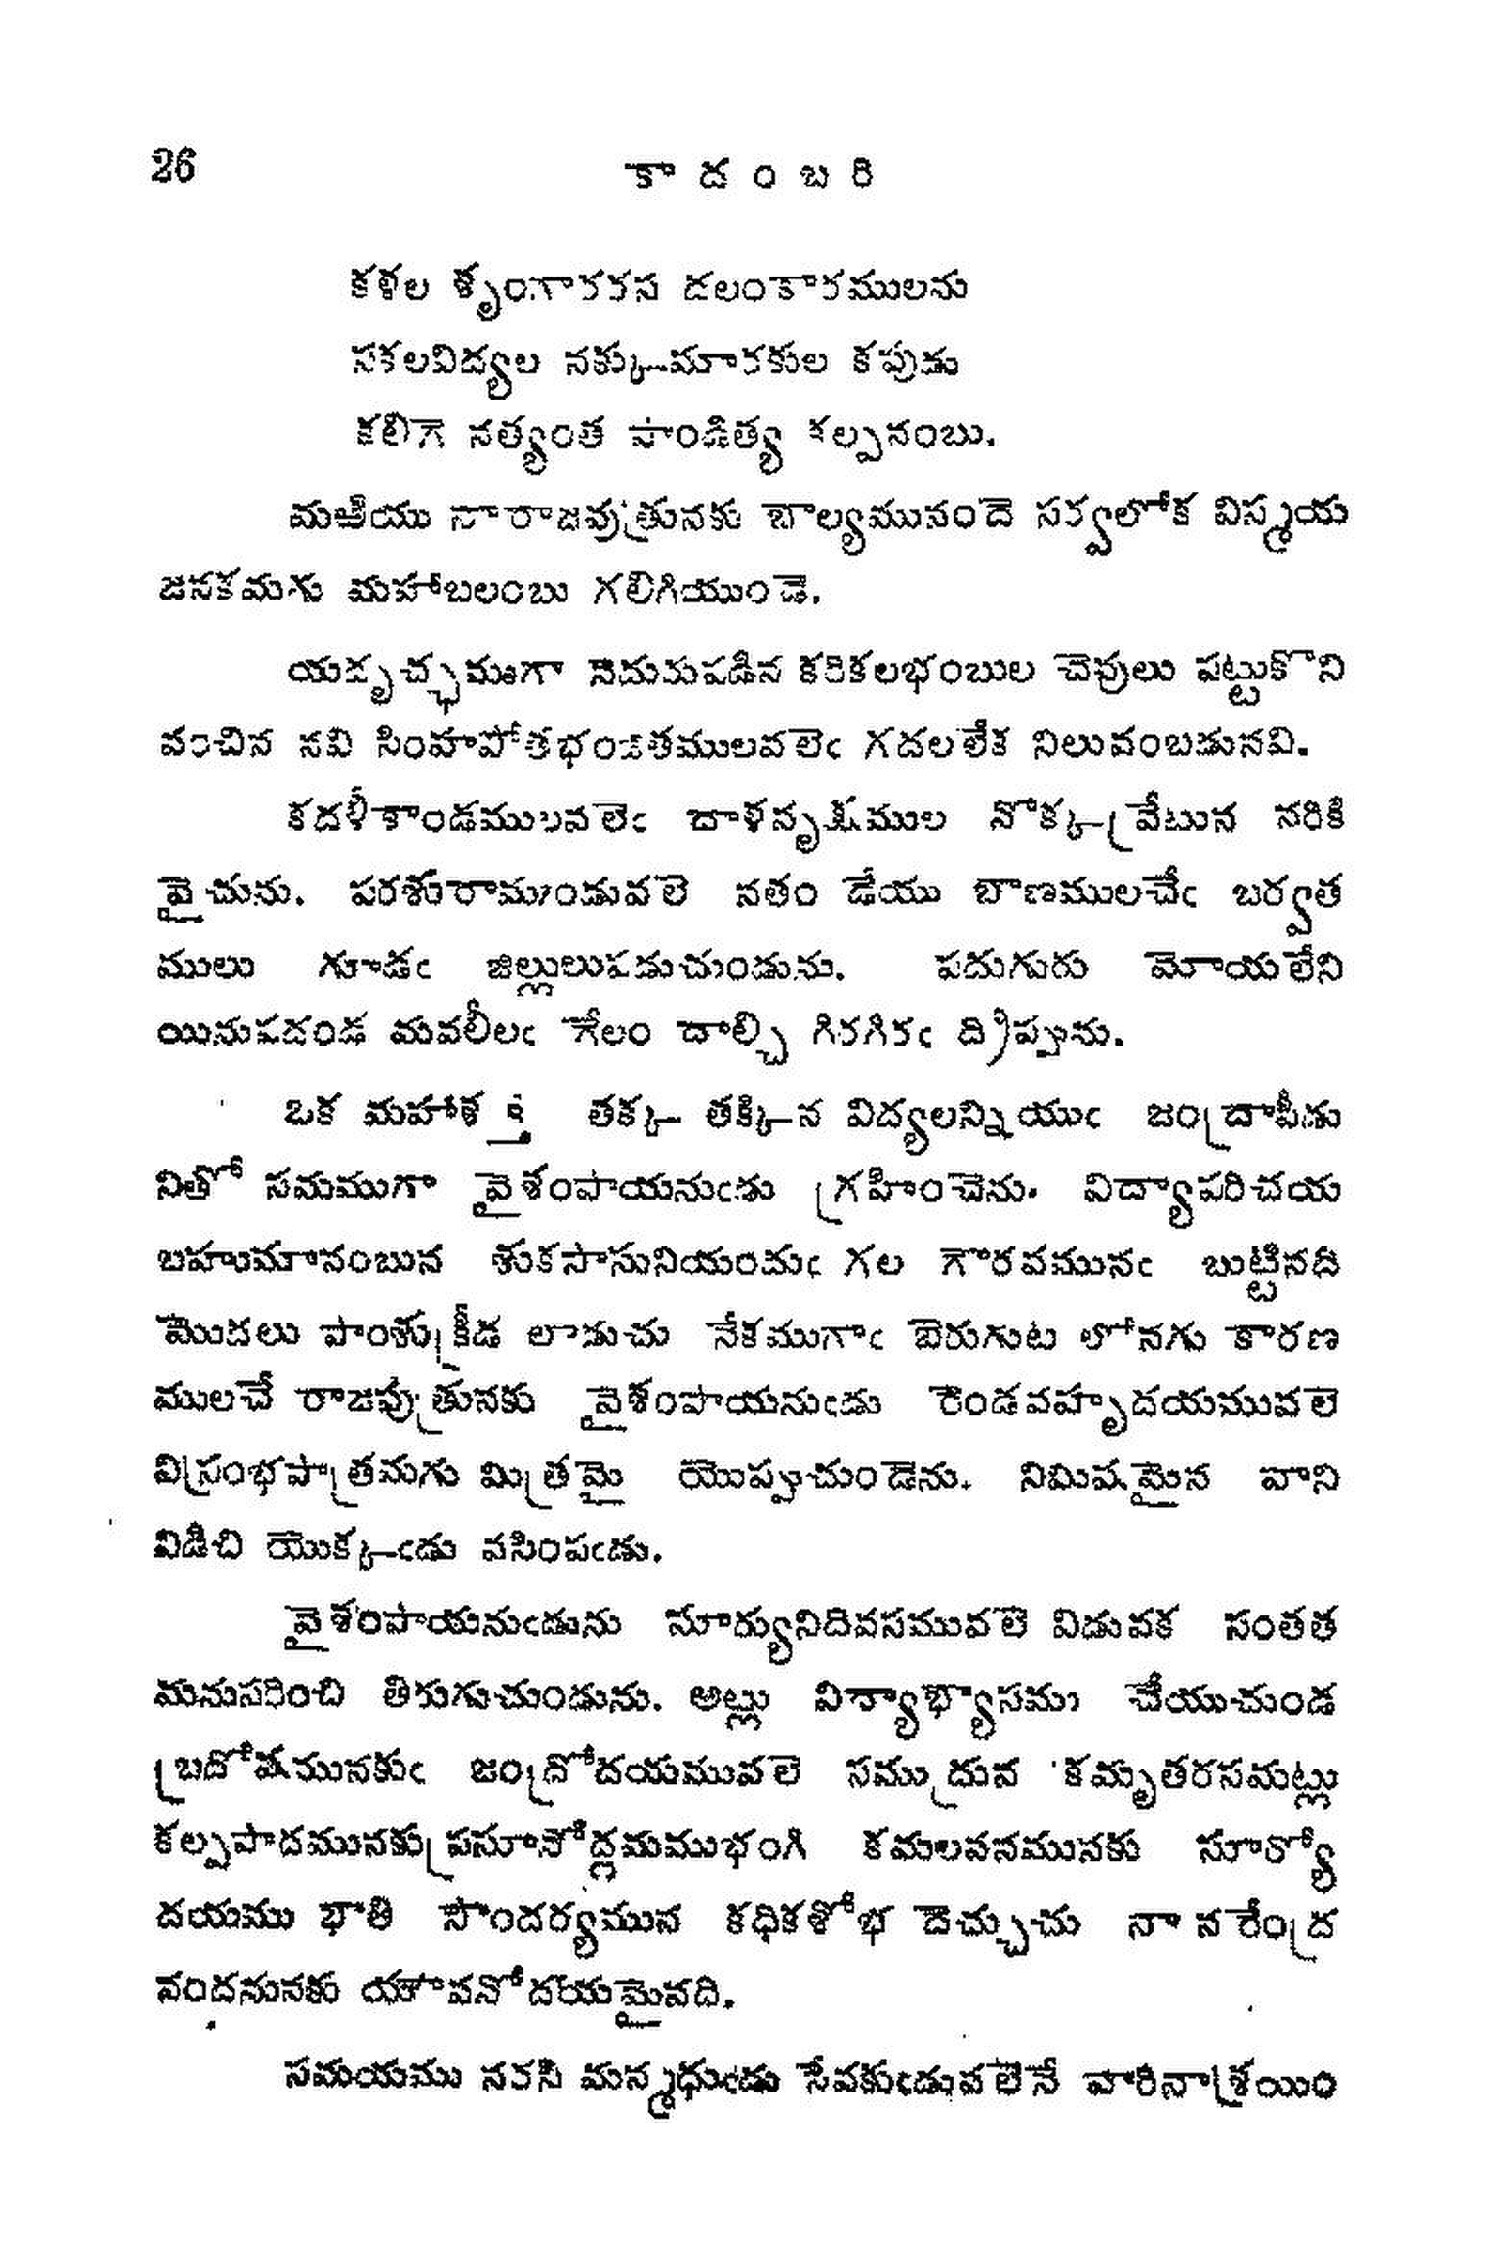కళల శృంగారరస దలంకారములను
 సకలవిద్యల నక్కుమారకుల కపుడు
 కలిగె నత్యంత పాండిత్య కల్పనంబు.
మఱియు నా రాజపుత్రునకు బాల్యమునందె సర్వలోక విస్మయ జనకమగు మహాబలంబు గలిగియుండె.

యదృచ్ఛముగా నెదురుపడిన కరికలభంబుల చెవులు పట్టుకొని వంచిన నవి సింహపోతభంజితములవలెఁ గదలలేక నిలువంబడునవి.

కదళీకాండములవలెఁ దాళవృక్షముల నొక్కవ్రేటున నరికి వైచును. పరశురాముండువలె నతం డేయు బాణములచేఁ బర్వతములు గూడఁ జిల్లులుపడుచుండును. పదుగురు మోయలేని యినుపదండ మవలీలఁ గేలం దాల్చి గిరగిరఁ ద్రిప్పును.

ఒక మహాశక్తి తక్క తక్కిన విద్యలన్నియుఁ జంద్రాపీడునితో సమముగా వైశంపాయనుఁడు గ్రహించెను. విద్యాపరిచయ బహుమానంబున శుకసాసునియందుఁ గల గౌరవమునఁ బుట్టినది మొదలు పాంశుక్రీడ లాడుచు నేకముగాఁ బెరుగుట లోనగు కారణములచే రాజపుత్రునకు వైశంపాయనుఁడు రెండవహృదయమువలె విస్రంభపాత్రమగు మిత్రమై యొప్పుచుండెను. నిమిషమైన వాని విడిచి యొక్కఁడు వసింపఁడు.

వైశంపాయనుఁడును సూర్యునిదివసమువలె విడువక సంతత మనుసరించి తిరుగుచుండును. అట్లు విద్యాభ్యాసము చేయుచుండ బ్రదోషమునకుఁ జంద్రోదయమువలె సముద్రున కమృతరసమట్లు కల్పపాదమునకు ప్రసూనోద్గమముభంగి కమలవనమునకు సూర్యోదయము భాతి సౌందర్యమున కధికశోభ దెచ్చుచు నా నరేంద్ర నందనునకు యౌవనోదయమైనది.

సమయము నరసి మన్మధుఁడు సేవకుఁడువలెనే వారినాశ్రయిం